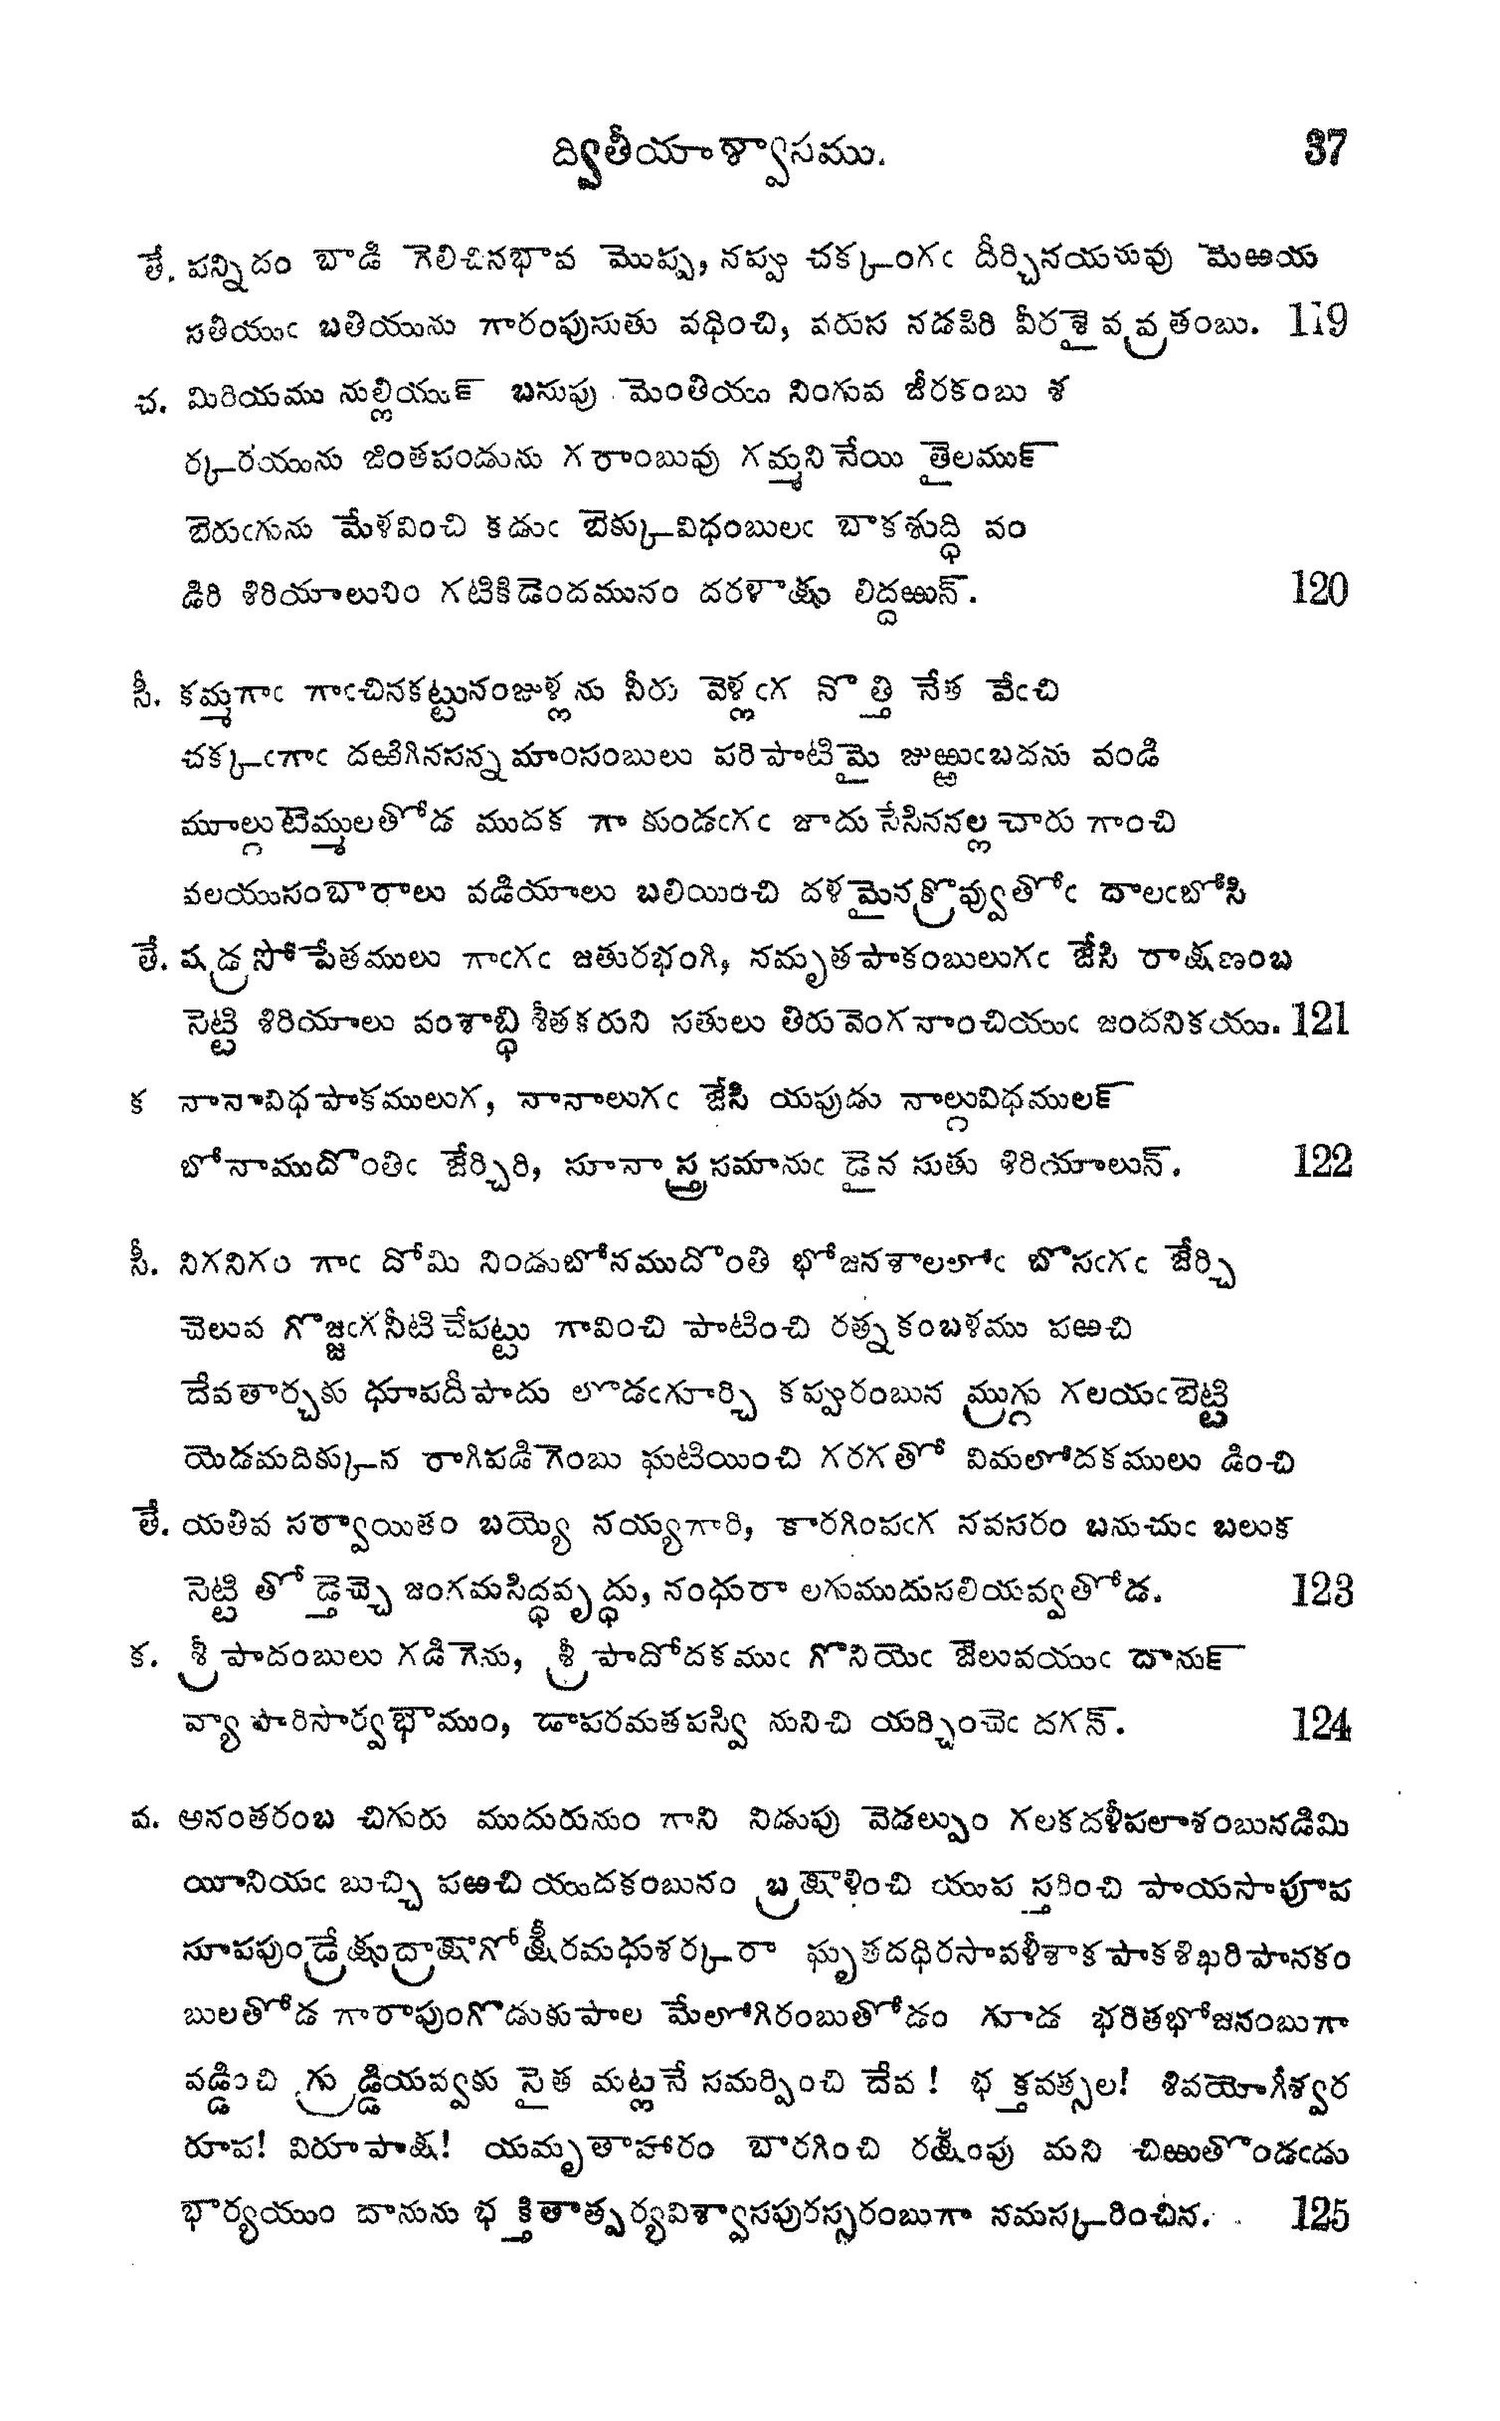తే. పన్నిదం బాడి గెలిచిన భావ మొప్ప, నప్పు చక్కంగఁ దీర్చినయనువు మెఱయ
సతియుఁ బతియును గారంపుసుతు వధించి, వరుస నడపిరి వీరశైవవ్రతంబు. 119

చ. మిరియము నుల్లియున్ బసుపు మెంతియు నింగువ జీరకంబు శ
ర్కరయును జింతపండును గరాంబువు గమ్మని నేయి తెైలమున్
బెరుఁగును మేళవించి కడుఁ బెక్కువిధంబులఁ బాకశుద్ధి వం
డిరి శిరియాలునిం గటికిడెందమునం దరళాక్షు లిద్దఱున్. 120

సీ. కమ్మగాఁ గాఁచినకట్టునంజుళ్లను నీరు వెళ్లఁగ నొత్తి నేత వేఁచి
చక్కఁగాఁ దఱిగినసన్నమాంసంబులు పరిపాటిమై జుఱ్ఱుఁబదను వండి
మూల్గుటెమ్ములతోడ ముదక గాకుండఁగఁ జాదు సేసిననల్లచారు గాంచి
వలయుసంబారాలు వడియాలు బలియించి దళమైన కొవ్వుతోఁ దాలఁబోసి
తే. షడ్రసోపేతములు గాఁగఁ జతురభంగి, నమృతపాకంబులుగఁ జేసి రాక్షణంబ
సెట్టి శిరియాలు వంశాబ్ధిశీతకరుని సతులు తిరువెంగనాంచియుఁ జందనికయు. 121

క. నానావిధపాకములుగ, నానాలుగఁ జేసి యపుడు నాల్గువిధములన్
బోనాముదొంతిఁ జేర్చిరి, సూనాస్త్రసమానుఁ డైన సుతు శిరియాలున్. 122

సీ. నిగనిగంగాఁ దోమి నిండుబోనముదొంతి భోజనశాలలోఁ బొసఁగఁ జేర్చి
చెలువ గొజ్జఁగనీటిచేపట్టు గావించి పాటించి రత్నకంబళము పఱచి
దేవతార్చకు ధూపదీపాదు లొడఁగూర్చి కప్పురంబున మ్రుగ్గు గలయఁబెట్టి
యెడమదిక్కున రాగిపడిగెంబు ఘటియించి గరగతో విమలోదకములు డించి
తే. యతివ సర్వాయితం బయ్యె నయ్యగారి, కారగింపఁగ నవసరం బనుచుఁ బలుక
సెట్టి తోడ్తెచ్చె జంగమసిద్ధవృద్ధు, నంధురా లగుముదుసలియవ్వతోడ. 123

క. శ్రీపాదంబులు గడిగెను, శ్రీపాదోదకముఁ గొనియెఁ జెలువయుఁ దానున్
వ్యాపారిసార్వభౌముం, డాపరమతపస్వి నునిచి యర్చించెఁ దగన్. 124

వ. అనంతరంబ చిగురు ముదురునుం గాని నిడుపు వెడల్పుం గలకదళీపలాశంబు నడిమియీనియఁ బుచ్చి పఱచి యుదకంబునం బ్రక్షాళించి యుపస్తరించి పాయసాపూపసూపపుండ్రేక్షుద్రాక్షాగోక్షీరమధుశర్కరాఘృతదధిరసావళీశాకపాకశిఖరిపానకంబులతోడ గారాపుంగొడుకుపాల మేలోగిరంబుతోడం గూడ భరితభోజనంబుగా వడ్డించి గ్రుడ్డియవ్వకు సైత మట్లనే సమర్పించి దేవ! భక్తవత్సల! శివయోగీశ్వరరూప! విరూపాక్ష! యమృతాహారం బారగించి రక్షింపుమని చిఱుతొండఁడు భార్యయుం దానును భక్తితాత్పర్యవిశ్వాసపురస్సరంబుగా నమస్కరించిన. 125